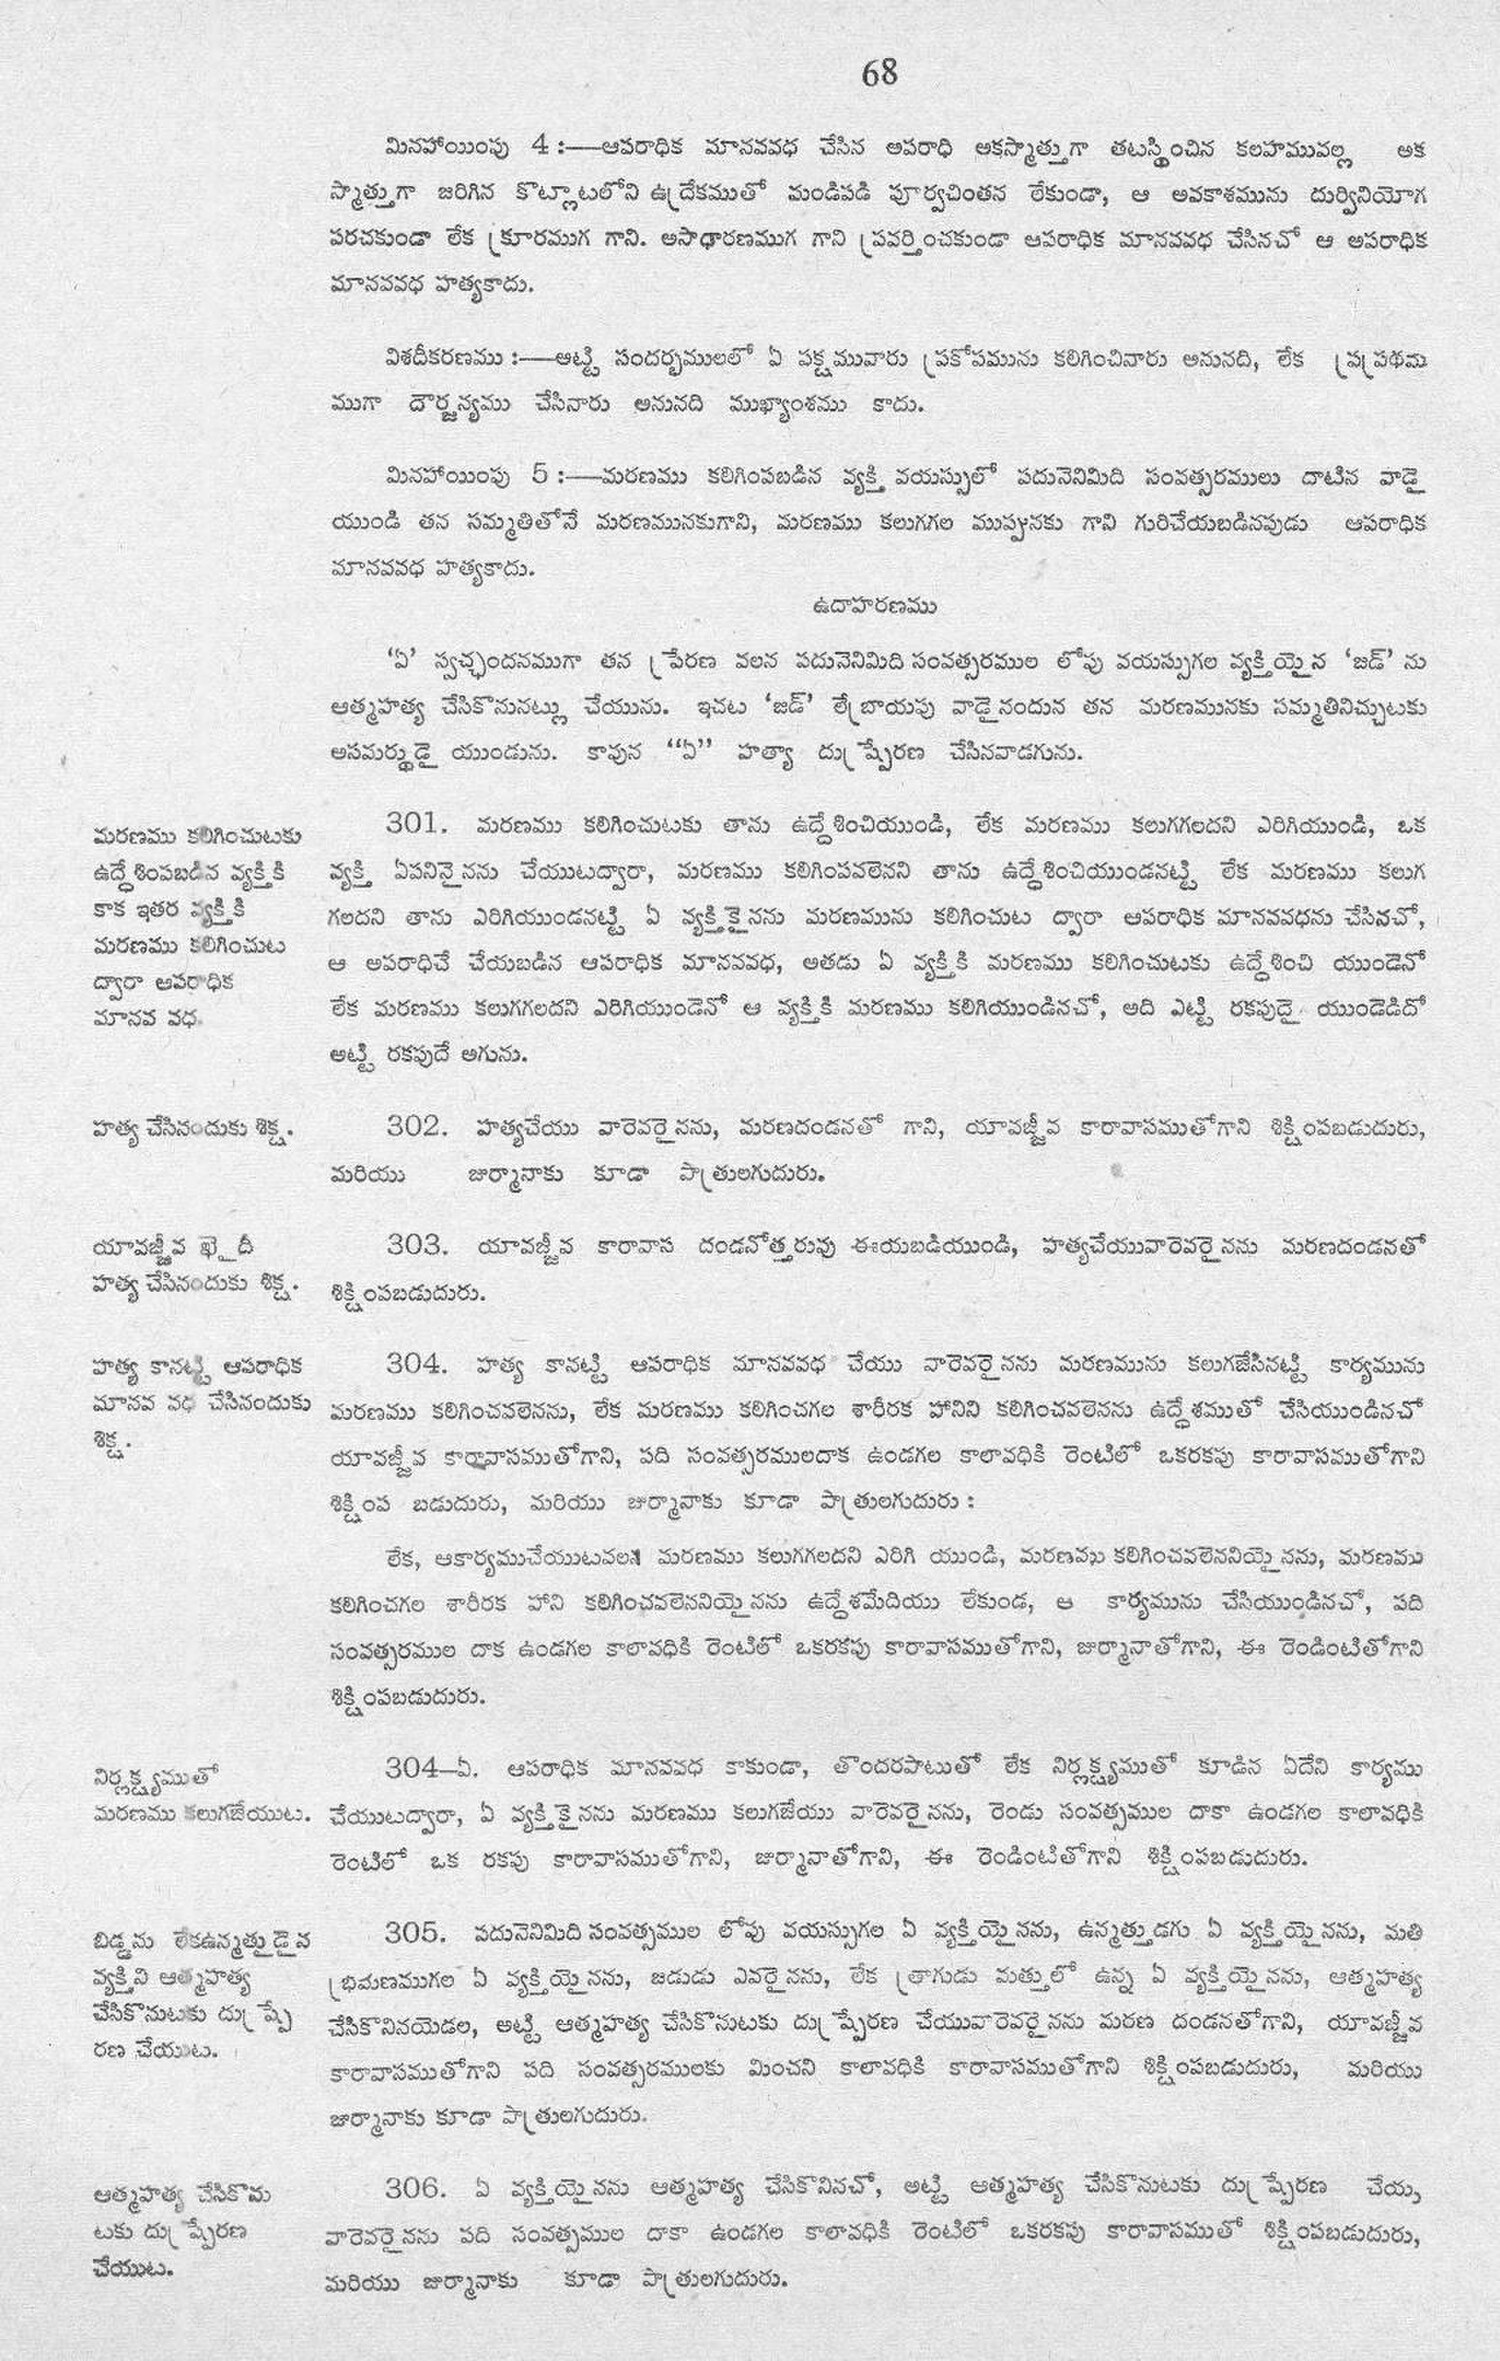మినహాయింపు 4:-అపరాధిక మానవవధ చేసిన అపరాధి అకస్మాత్తుగా తటస్థించిన కలహమువల్ల అకస్మాత్తుగా జరిగిన కొట్లాటలోని ఉద్రేకముతో మండిపడి పూర్వచింతన లేకుండా, ఆ అవకాశమును దుర్వినియోగ పరచకుండా లేక క్రూరముగ గాని. అసాధారణముగ గాని ప్రవర్తించకుండా అపరాధిక మానవవధ చేసినచో ఆ అపరాధిక మానవవధ హత్యకాదు.

విశదీకరణము :— అట్టి సందర్భములలో ఏ పక్ష మువారు ప్రకోపమును కలిగించినారు అనునది, లేక ప్రప్రథమముగా దౌర్జన్యము చేసినారు. అనునది ముఖ్యాంశము కాదు.

మినహాయింపు 5:—మరణము కలిగింపబడిన వ్యక్తి వయస్సులో పదునెనిమిది సంవత్సరములు దాటిన వాడై యుండి తన సమ్మతితోనే మరణమునకుగాని, మరణము కలుగగల ముప్పునకు గాని గురిచేయబడినపుడు అపరాధిక మానవవధ హత్యకాదు.

'ఏ' స్వచ్ఛందనముగా తన ప్రేరణ వలన పదునెనిమిది సంవత్సరముల లోపు వయస్సుగల వ్యక్తి యైన 'జడ్' ను ఆత్మహత్య చేసికొనునట్లు చేయును. ఇచట 'జడ్' లేబ్రాయపు వాడై నందున తన మరణమునకు సమ్మతినిచ్చుటకు అసమర్థుడై యుండును. కావున "ఏ" హత్యా దుష్ప్రేరణ చేసినవాడగును.

మరణము కలిగించుటకు ఉద్దేశింపబడిన వ్యక్తికి కాక ఇతర వ్యక్తికి మరణము కలిగించుటద్వారా అపరాధిక మానవ వధ

301. మరణము కలిగించుటకు తాను ఉద్దేశించియుండి, లేక మరణము కలుగగలదని ఎరిగియుండి, ఒక వ్యక్తి ఏపనినై నను చేయుట ద్వారా, మరణము కలిగింపవలెనని తాను ఉద్దేశించియుండనట్టి లేక మరణము కలుగగలదని తాను ఎరిగియుండనట్టి ఏ వ్యక్తి కై నను మరణమును కలిగించుట ద్వారా అపరాధిక మానవవధను చేసినచో, ఆ అపరాధిచే చేయబడిన అపరాధిక మానవవధ, అతడు ఏ వ్యక్తికి మరణము కలిగించుటకు ఉద్దేశించి యుండెనో లేక మరణము కలుగగలదని ఎరిగియుండెనో ఆ వ్యక్తి కి మరణము కలిగియుండినచో, అది ఎట్టి రకపుదై యుండెడిదో అట్టి రకపుదే అగును.

హత్య చేసినందుకు శిక్ష. 

302. హత్యచేయు వారెవరైనను, మరణదండనతో గాని, యావజ్జీవ కారావాసముతోగాని శిక్షింపబడుదురు, మరియు జూర్మానాకు కూడా పాత్రులగుదురు.

యావజ్జీవ ఖైదీ హత్య చేసినందుకు శిక్ష,

303. యావజ్జీవ కారావాస దండనోత్త రువు ఈయబడియుండి, హత్యచేయువారెవరై నను మరణదండనతో శిక్షింపబడుదురు.

హత్య కానట్టి అపరాధిక మానవ వధ చేసినందుకు శిక్ష.

304. హత్య కానట్టి ఆపరాధిక మానవవధ చేయు వారెవరై నను మరణమును కలుగజేసినట్టి కార్యమును మరణము కలిగించవలెనను, లేక మరణము కలిగించగల శారీరక హానిని కలిగించవలెనను ఉద్దేశముతో చేసియుండినచో యావజ్జీవ కారావాసముతో గాని, పది సంవత్సరములదాక ఉండగల కాలావధికి రెంటిలో ఒకరకపు కారావాసముతోగాని శిక్షింప బడుదురు, మరియు జుర్మానాకు కూడా పాత్రులగుదురు :

లేక, ఆకార్యముచేయుటవలని మరణము కలుగగలదని ఎరిగి యుండి, మరణము కలిగించవలెననియైనను, మరణము కలిగించగల శారీరక హాని కలిగించవలెననియైనను ఉద్దేశమేదియు లేకుండ, ఆ కార్యమును చేసియుండినచో, పది సంవత్సరముల దాక ఉండగల కాలావధికి రెంటిలో ఒకరకపు కారావాసముతోగాని, జుర్మానాతోగాని, ఈ రెండింటితో గాని శిక్షింపబడుదురు.

నిర్లక్ష్యముతో మరణము కలుగజేయుట.

304-ఏ. ఆపరాధిక మానవవధ కాకుండా, తొందరపాటుతో లేక నిర్లక్ష్యముతో కూడిన ఏదేని కార్యము చేయుటద్వారా, ఏ వ్యక్తి కైనను మరణము కలుగజేయు వారెవరైనను, రెండు సంవత్సముల దాకా ఉండగల కాలావధికి రెంటిలో ఒక రకపు కారావాసముతో గాని, జూర్మానాతోగాని, ఈ రెండింటితో గాని శిక్షింపబడుదురు.

బిడ్డను లేకఉన్మతు డైన వ్యక్తిని ఆత్మహత్య చేసికొనుటకు దుష్ప్రేరణ చేయుట. 

305. పదునెనిమిది సంవత్సముల లోపు వయస్సుగల ఏ వ్యక్తి యైనను, ఉన్మత్తుడగు ఏ వ్యక్తి యైనను, మతి బ్రమణముగల ఏ వ్యక్తి యైనను, జడుడు ఎవరైనను, లేక త్రాగుడు మత్తులో ఉన్న ఏ వ్యక్తి యైనను, ఆత్మహత్య చేసికొనినయెడల, అట్టి ఆత్మహత్య చేసికొనుటకు దుష్ప్రేరణ చేయువా రెవరై నను మరణ దండనతో గాని, యావజ్జీవ కారావాసముతోగాని పది సంవత్సరములకు మించని కాలావధికి కారావాసముతో గాని శిక్షింపబడుదురు, మరియు జుర్మానాకు కూడా పాత్రులగుదురు.

ఆత్మహత్య చేసికొనుటకు దుష్ప్రేరణ చేయుట.

306. ఏ వ్యక్తి యై నను ఆత్మహత్య చేసికొనినచో, అట్టి ఆత్మహత్య చేసికొనుటకు దుష్ప్రేరణ చేయు వారెవరైనను పది సంవత్సముల దాకా ఉండగల కాలావధికి రెంటిలో ఒకరకపు కారావాసముతో శిక్షింపబడుదురు, మరియు జుర్మానాకు కూడా పాత్రులగుదురు.